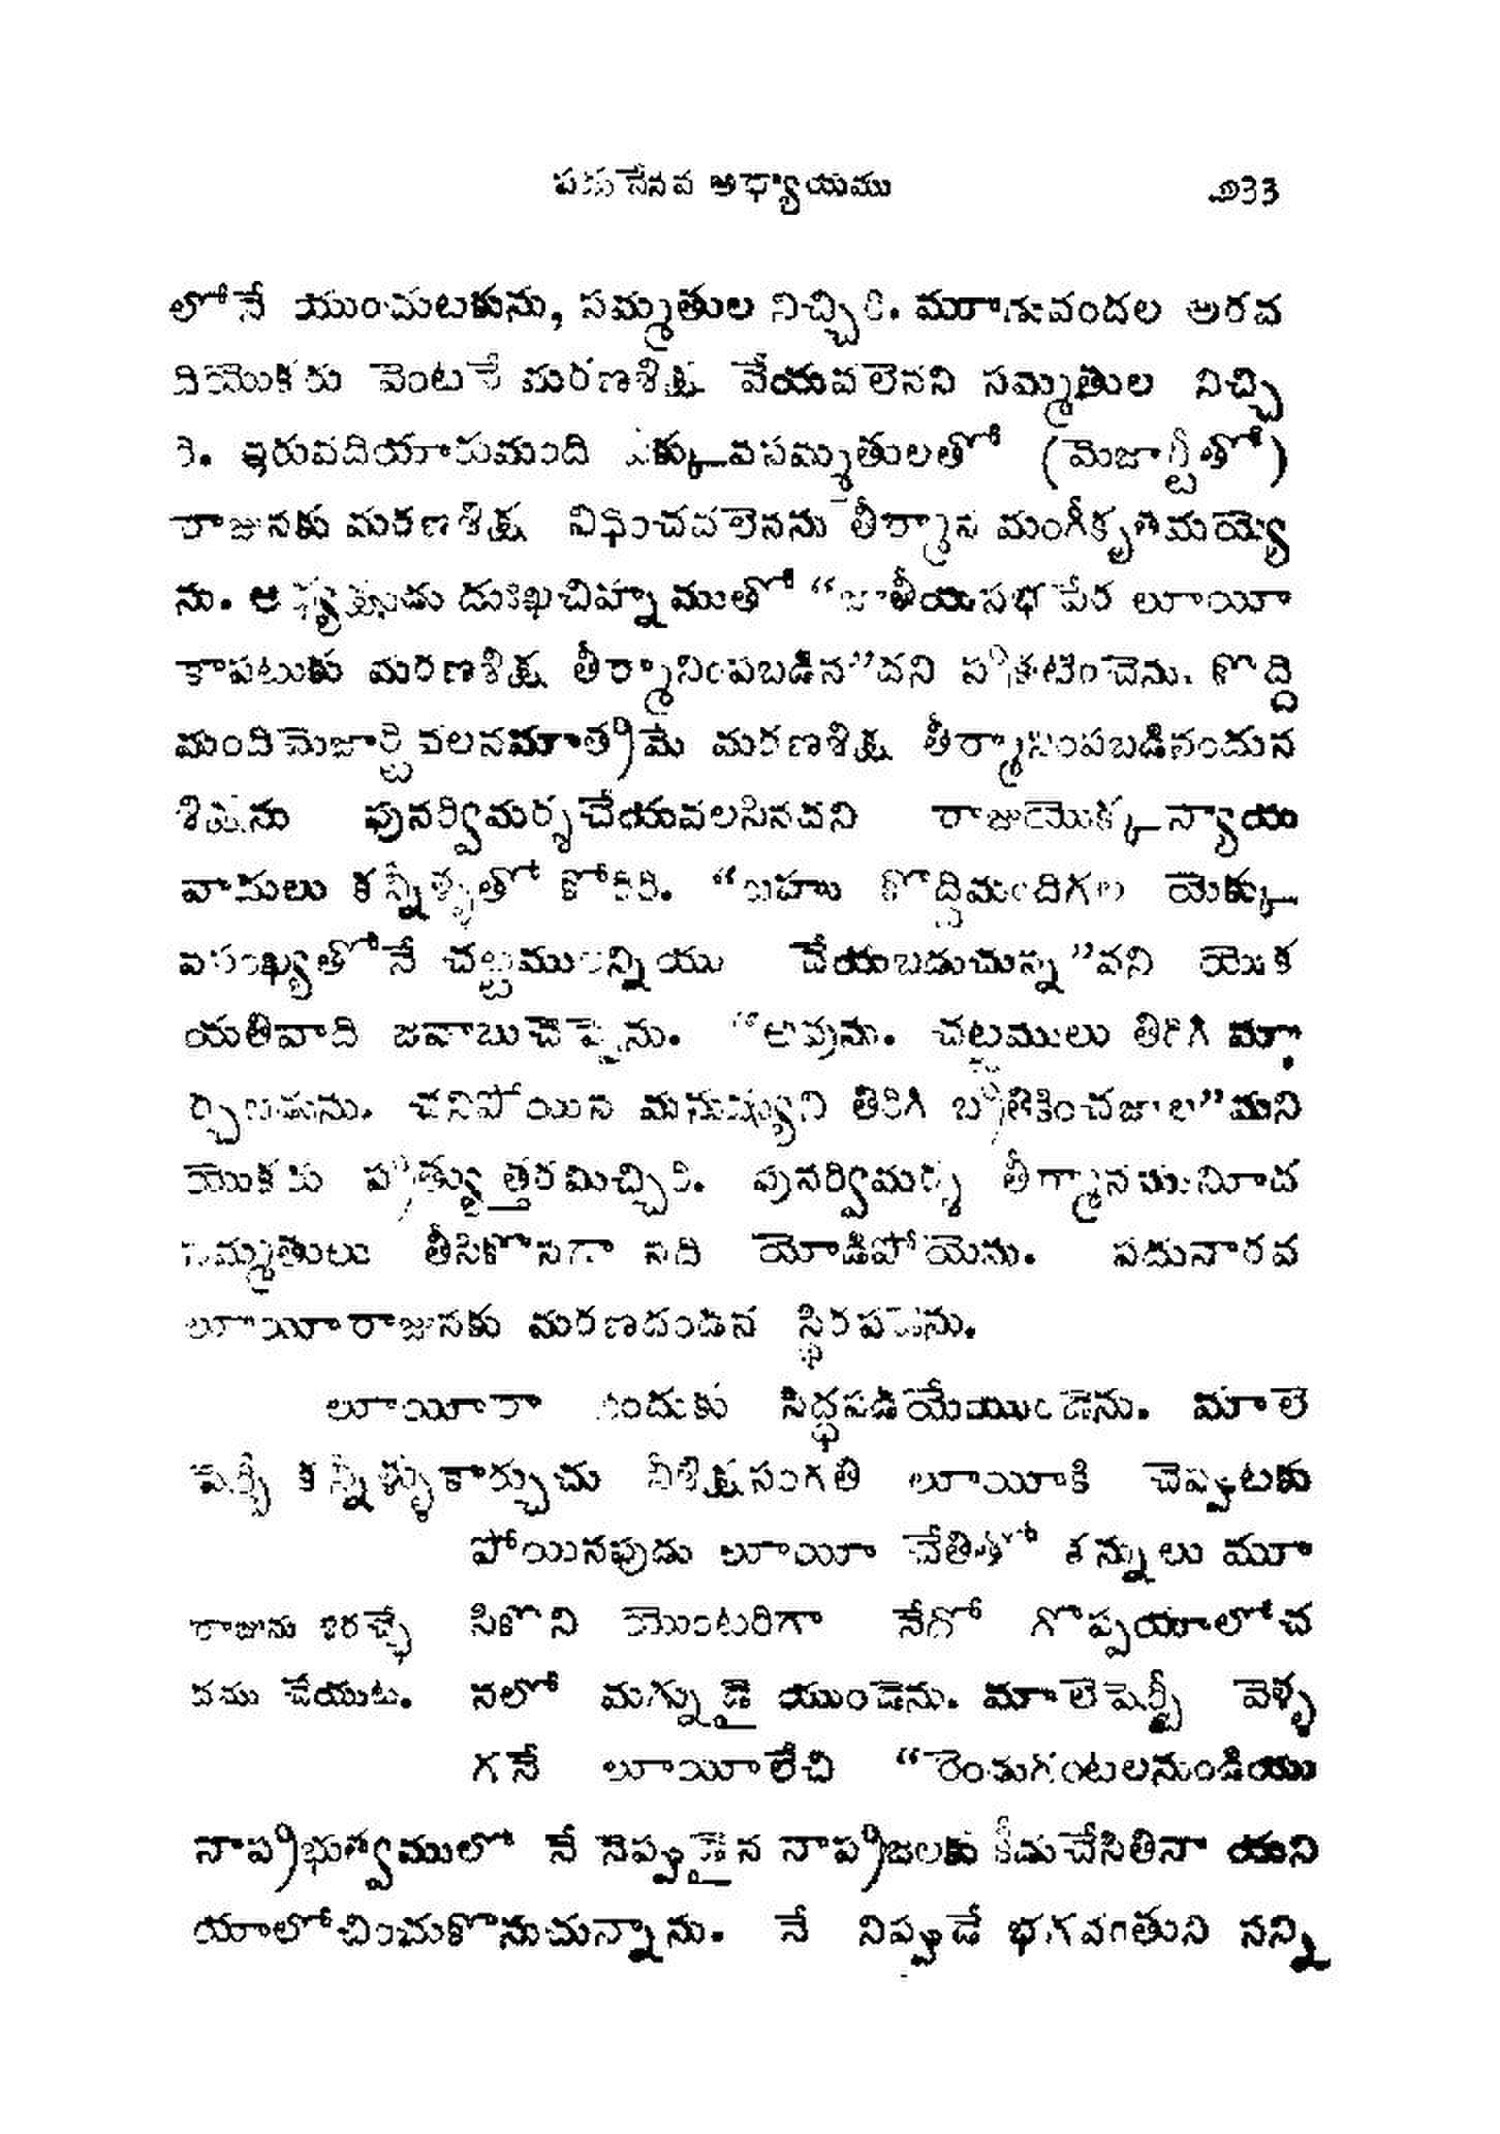లోనే యుంచుటకును, సమ్మతుల నిచ్చిరి. మూడు వందల అరవ
వది యొకరు వెంటనే మరణశిక్ష.. వేయవలెనని సమ్మతుల నిచ్చిరి.
ఇరువదియారు ముంది ఎక్కువ సమ్మతులతో (మెజార్టీతో)
రాజునకు మరణశిక్ష విధించవలెనను తీర్మాన మంగీకృతమయ్యెను.
ఆధ్యక్షుడు దుఃఖచిహ్నముతో జాతీయసభ పేర లూయీ
కాపటుకు మరణశిక్ష తీర్మానింపబడినదని ప్రకటించెను. కొద్ది
మంది మెజార్టి వలన మాత్ర మే మరణశిక్ష తీర్మానింపబడినందున
పునర్విమర్శ చేయవలసినదని రాజు మొక్క న్యాయ
వాదులు కన్నీళ్ళ తో కోరిరి. “బహు కొద్దిమందిగల, యెక్కువ
సంఖ్యతోనే చట్టము న్నియు చేయబడుచున్న "వని యొక
యతివాది జవాబు చెప్పెను. "అవును. చట్టములు తిరిగి మార్చబడును.
చనిపోయిన మనుషుల తిరిగి బ్రతికించజాలమని యొకరు ప్రత్త్యు
త్తర మిచ్చిరి. పునర్విమర్శ, తీర్మానము మీద సమ్మతులు
తీసికొనగా నది యోడిపోయెను.పదునారవలూయీ రాజునకు మరణదండన స్థిరపడెను.

రాజును శిర
చ్చేదము
చేయుట

లూయీ రాజందుకు సిద్ధపడి యేయుండెను. మాలేషెర్బీ 
కన్నిళ్ళు కార్చుచు నీ శిక్ష సంగతి లూయీకి చెప్పుటకు
పోయినపుడు లూయీ చేతితో కన్నులు మూసి కొని 
యొంటరిగానేదోగొప్పయలోచనములో మగ్నుడై యుండెను. 
మాలే షెర్భీ వెళ్ళగనే లూయీ లేచి (రెండుగంటలనుండియు
నా ప్రభుత్వములో నే సెప్పుడయిన నాప్రజలకు కీడు చేసితినా యని
యాలోచించుకొనుచున్నాను. నే నిప్పుడే భగవంతుని సన్ని